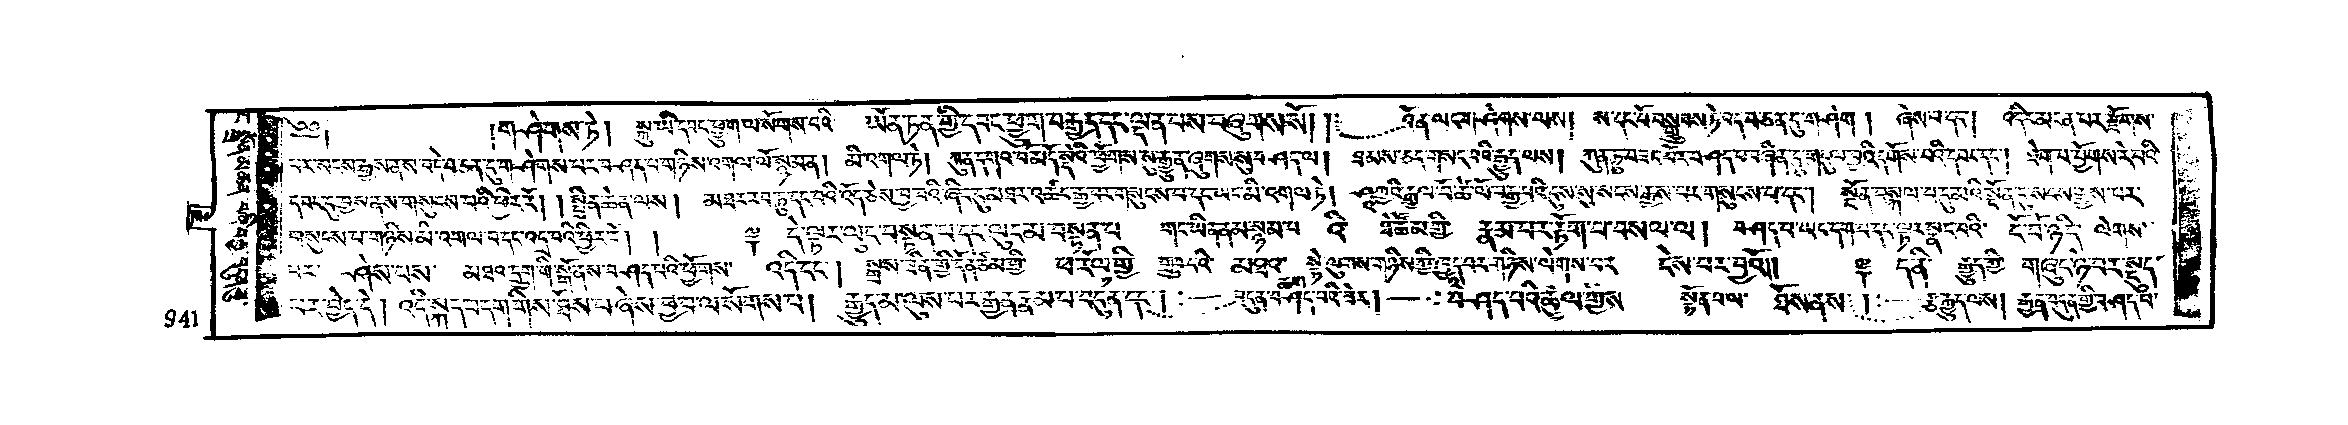༄༅། །གཤེགས་ཏེ། སྐུ་ཡི་དབང་ཕྱུག་ལ་སོགས་པའི་ཡོན་ཏན་གྱི་དབང་ཕྱུག་བརྒྱད་དང་ལྡན་པས་བཞུགས་སོ། །འོ་ན་ལང་གཤེགས་ལས། ས་དང་པོ་བསྒྲུབས་ཏེ་བདེ་བ་ཅན་དུ་གཤེག །ཞེས་པ་དང་། འདིར་མངོན་པར་རྫོགས་
པར་སངས་རྒྱས་ནས་བདེ་བ་ཅན་དུ་གཤེགས་པར་བཤད་པ་གཉིས་འགལ་ལོ་སྙམ་ན། མི་འགལ་ཏེ། ཀུན་དགའ་བོ་མདོ་སྡེའི་ཕྱོགས་སུ་རྒྱུན་ཞུགས་སུ་བཤད་ལ། ཐམས་ཅད་གསང་བའི་རྒྱུད་ལས། ཀུན་ཏུ་བཟང་པོར་བཤད་པ་བཞིན་དུ་གདུལ་བྱའི་དགོས་པའི་དབང་དང་། ཐེག་པ་ཕྱོགས་རེ་བའི་
དབང་དུ་བྱས་ནས་གསུངས་པའི་ཕྱིར་རོ། །སྤྲིན་ཆེན་ལས། མཐར་རབ་ཏུ་དང་བའི་འོད་ཅེས་བྱ་བའི་ཞིང་དུ་མཐར་འཚང་རྒྱ་བར་གསུངས་པ་དང་ཡང་མི་འགལ་ཏེ། ཤཱཀྱའི་རྒྱལ་པོ་ཚེ་ལོ་བརྒྱ་བའི་དུས་སུ་སངས་རྒྱས་པར་གསུངས་པ་དང་། སྔོན་བསྐལ་པ་དུ་མའི་སྔོན་དུ་སངས་རྒྱས་པར་
གསུངས་པ་གཉིས་མི་འགལ་བ་དང་འདྲ་བའི་ཕྱིར་རོ། ། ༈ དེ་ལྟར་ལུང་བསྟན་པ་དང་ལུང་མ་བསྟན་པ་གང་ཡིན་ནམ་སྙམ་པའི་ཐེ་ཚོམ་གྱི་རྣམ་པར་རྟོག་པ་གསལ་ལ། བཤད་པ་ཡང་དག་པ་དང་ལྟར་སྣང་བའི་ངོ་བོ་ཉིད་ལེགས་
པར་ཤེས་པས་མཐའ་དྲུག་གི་སྒོ་ནས་བཤད་པའི་ཕྱོགས་འདི་དང་། སྒྲས་ཟིན་གྱི་དོན་ཙམ་གྱི་ཕ་རོལ་གྱི་གྲུབ་པའི་མཐའ་སྟེ་ལུགས་གཉིས་ཀྱི་ཁྱད་པར་གཉིས་ལེགས་པར་ངེས་པར་བྱའོ།། ༈ ད་ནི་རྒྱུད་ཀྱི་གཞུང་ཉེ་བར་སྡུད་
པར་བྱེད་དེ། འདི་སྐད་བདག་གིས་ཐོས་པ་ཞེས་བྱ་བ་ལ་སོགས་པ། རྒྱུད་མ་ལུས་པར་རྒྱན་རྣམ་པ་བདུན་དང་། H.་བདུན་ཆག་བཤ་པའི་ཟེར། བཤད་པའི་ཚུལ་གྱིས་སྟོན་པ་ལ་ཐོས་ནས། རྩ་རྒྱུད་ལས། རྒྱན་བདུན་གྱི་བཤད་པ་